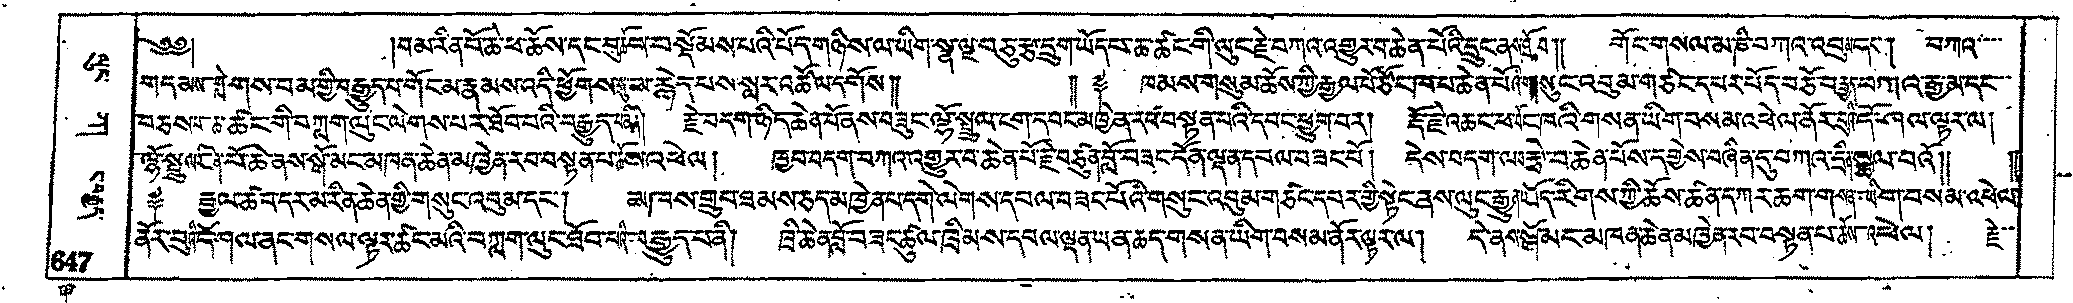༄༅། །བམ་རིན་པོ་ཆེ་ཕ་ཆོས་དང་བུ་ཆོས་བསྡོམས་པའི་པོད་གཉིས་ལ་ཡིག་སྣ་ལྔ་བཅུ་རྩ་དྲུག་ཡོད་པ་ཆ་ཚང་གི་ལུང་རྗེ་བཀའ་འགྱུར་བ་ཆེན་པོའི་དྲུང་ནས་ཐོབ།། གོང་གསལ་མ་ཎི་བཀའ་འབུམ་དང་། བཀའ་
གདམས་གླེགས་བམ་གྱི་བརྒྱུད་པ་གོང་མ་རྣམས་འདི་ཕྱོགས་སུ་མ་རྙེད་པས་སླར་འཚོལ་དགོས།། །། འ་ཁམས་གསུམ་ཆོས་ཀྱི་རྒྱལ་པོ་ཙོང་ཁ་པ་ཆེན་པོའི་གསུང་འབུམ་གཙང་དཔར་པོད་བཅོ་བརྒྱད་བཀའ་རྒྱ་མ་དང་
བཅས་པ་ཆ་ཚང་གི་བཀླག་ལུང་ལེགས་པར་ཐོབ་པའི་བརྒྱུད་པ་ནི། རྗེ་བདག་ཉིད་ཆེན་པོ་ནས་བཟུང་ལྷོ་སྤྲུལ་ངག་དབང་མཁྱེན་རབ་བསྟན་པའི་དབང་ཕྱུག་བར། རྡོ་རྗེ་འཆང་ཕ་བོང་ཁའི་གསན་ཡིག་བསམ་འཕེལ་ནོར་བུའི་དོ་ཤལ་ལྟར་ལ།
ལྷོ་སྤྲུལ་རིན་པོ་ཆེ་ནས་སྒོ་མང་མཁན་ཆེན་མཁྱེན་རབ་བསྟན་པ་ཆོས་འཕེལ། ཁྱབ་བདག་བཀའ་འགྱུར་བ་ཆེན་པོ་རྗེ་བཙུན་བློ་བཟང་དོན་ལྡན་དཔལ་བཟང་པོ། དེས་བདག་ལ་བརྩེ་བ་ཆེན་པོས་དགྱེས་བཞིན་དུ་བཀའ་དྲིན་སྩལ་བའོ།། །།
འ་རྒྱལ་ཚབ་དར་མ་རིན་ཆེན་གྱི་གསུང་འབུམ་དང་། མཁས་གྲུབ་ཐམས་ཅད་མཁྱེན་པ་དགེ་ལེགས་དཔལ་བཟང་པོའི་གསུང་འབུམ་གཙང་དཔར་གྱི་སྟེང་ནས་ལུང་རྒྱུན་ཡོད་རིགས་ཀྱི་ཆོས་ཚན་དཀར་ཆག་གསན་ཡིག་བསམ་འཕེལ་
ནོར་བུའི་དོ་ཤལ་ནང་གསལ་ལྟར་ཚང་མའི་བཀླག་ལུང་ཐོབ་པའི་བརྒྱུད་པ་ནི། ཁྲི་ཆེན་བློ་བཟང་ཚུལ་ཁྲིམས་དཔལ་ལྡན་ཡན་ཆད་གསན་ཡིད་བསམ་ནོར་ལྟར་ལ། དེ་ནས་སྒོ་མང་མཁན་ཆེན་མཁྱེན་རབ་བསྟན་པ་ཆོས་འཕེལ། རྗེ་